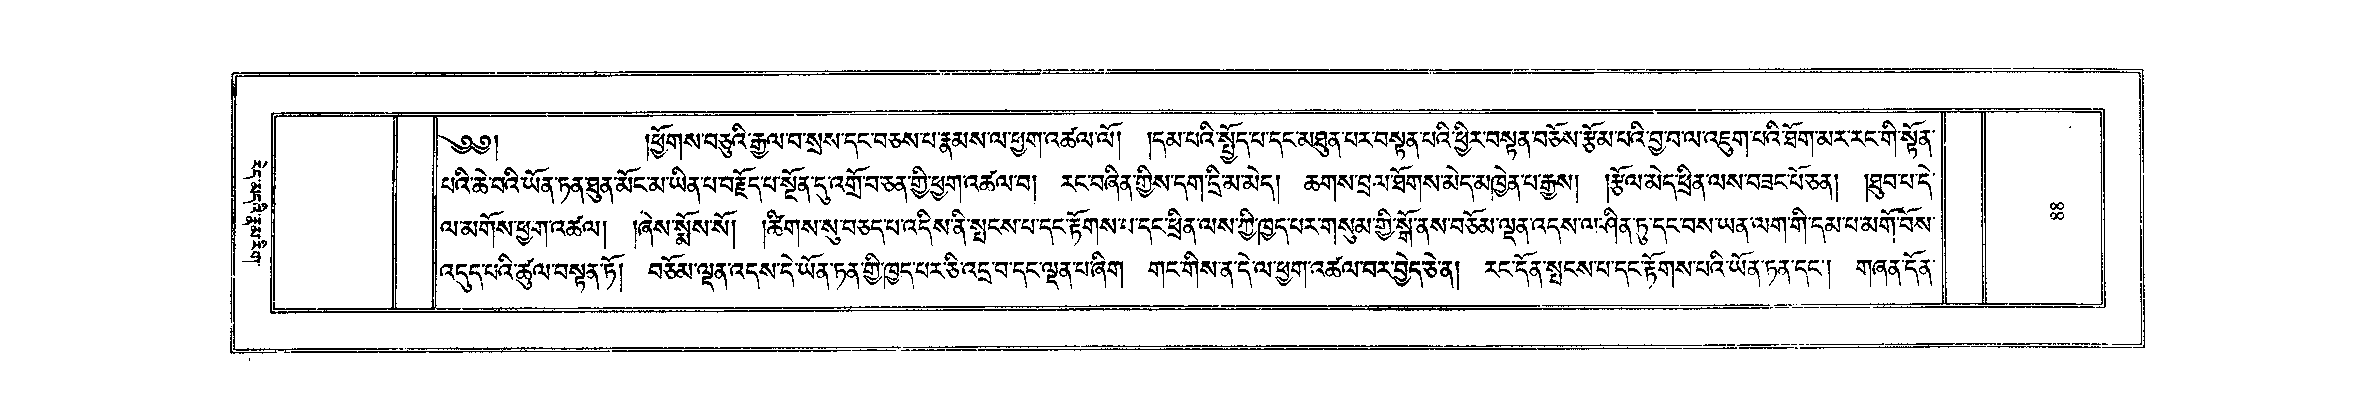༄༅། །ཕྱོགས་བཅུའི་རྒྱལ་བ་སྲས་དང་བཅས་པ་རྣམས་ལ་ཕྱག་འཚལ་ལོ། །དམ་པའི་སྤྱོད་པ་དང་མཐུན་པར་བསྟན་པའི་ཕྱིར་བསྟན་བཅོས་རྩོམ་པའི་བྱ་བ་ལ་འཇུག་པའི་ཐོག་མར་རང་གི་སྟོན་
པའི་ཆེ་བའི་ཡོན་ཏན་ཐུན་མོང་མ་ཡིན་པ་བརྗོད་པ་སྔོན་དུ་འགྲོ་བ་ཅན་གྱི་ཕྱག་འཚལ་བ། རང་བཞིན་གྱིས་དག་དྲི་མ་མེད། ཆགས་བྲལ་ཐོགས་མེད་མཁྱེན་པ་རྒྱས། །རྩོལ་མེད་ཕྲིན་ལས་བཟང་པོ་ཅན། །ཐུབ་པ་དེ་
ལ་མགོས་ཕྱག་འཚལ། །ཞེས་སྨོས་སོ། །ཚིགས་སུ་བཅད་པ་འདིས་ནི་སྤངས་པ་དང་རྟོགས་པ་དང་ཕྲིན་ལས་ཀྱི་ཁྱད་པར་གསུམ་གྱི་སྒོ་ནས་བཅོམ་ལྡན་འདས་ལ་ཤིན་ཏུ་དང་བས་ཡན་ལག་གི་དམ་པ་མགོ་བོས་
འདུད་པའི་ཚུལ་བསྟན་ཏོ། བཅོམ་ལྡན་འདས་དེ་ཡོན་ཏན་གྱི་ཁྱད་པར་ཅི་འདྲ་བ་དང་ལྡན་པ་ཞིག་གང་གིས་ན་དེ་ལ་ཕྱག་འཚལ་བར་བྱེད་ཅེ་ན། རང་དོན་སྤངས་པ་དང་རྟོགས་པའི་ཡོན་ཏན་དང་། གཞན་དོན་